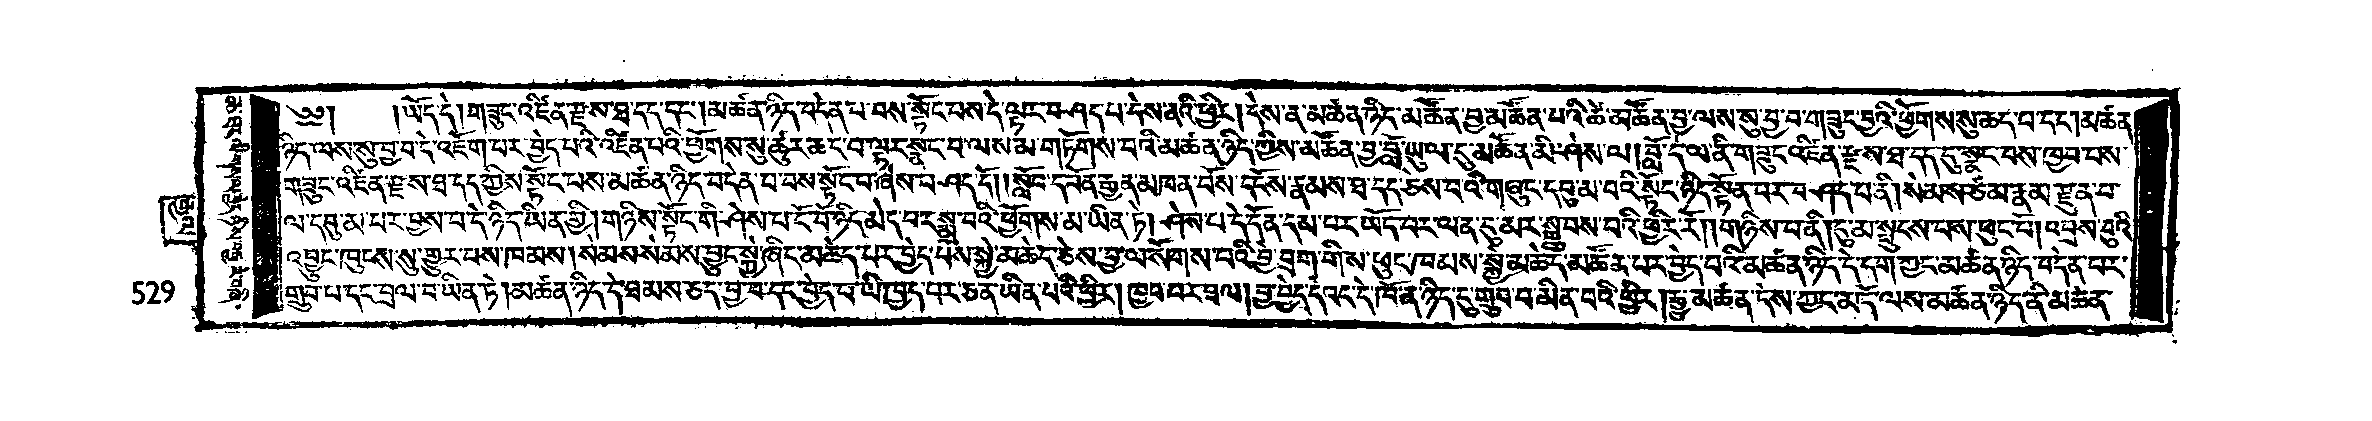༄༅། །ཡོད་དེ། གཟུང་འཛིན་རྫས་ཐ་དད་དང་། མཚན་ཉིད་བདེན་པ་བས་སྟོང་པས་དེ་ལྟར་བཤད་པ་དེས་ནའི་ཕྱིར། དེས་ན་མཚན་ཉིད་མཚོན་བྱ་མཚོན་པའི་ཚོ་མཚོན་བྱ་ལས་སུ་བྱ་བ་གཟུང་བྱའི་ཕྱོགས་སུ་ཆད་པ་དང་། མཚན་
ཉིད་ལས་སུ་བྱ་བ་དེ་འཇོག་པར་བྱེད་པའི་འཛིན་པའི་ཕྱོགས་སུ་ཚུར་ཆང་བ་ལྟར་སྣང་བ་ལས་མ་གཏོགས་པའི་མཚན་ཉིད་ཀྱིས་མཚོན་བྱ་བློ་ཡུལ་དུ་མཚོན་མི་ཤེས་ལ། བློ་དེ་ལ་ནི་གཟུང་འཛིན་རྫས་ཐ་དད་དུ་སྣང་བས་ཁྱབ་པས་
གཟུང་འཛིན་རྫས་ཐ་དད་ཀྱིས་སྟོང་པས་མཚན་ཉིད་བདེན་པ་བས་སྟོང་བ་ཞེས་བཤད་དོ། །སློབ་དཔོན་རྒྱན་མཁན་པོས་དངོས་རྣམས་ཐ་དད་ཅེས་པའི་གཞུང་དབུ་མ་པའི་སྟོང་ཉིད་སྟོན་པར་བཤད་པ་ནི། སེམས་ཙམ་རྣམ་རྫུན་པ་
ལ་དབུ་མ་པར་བྱས་པ་དེ་ཉིད་ཡིན་གྱི། གཉིས་སྟོང་གི་ཤེས་པ་ངོ་བོ་ཉིད་མེད་པར་སྨྲ་བའི་ཕྱོགས་མ་ཡིན་ཏེ། ཤེས་པ་དེ་དོན་དམ་པར་ཡོད་པར་ལན་དུ་མར་སྒྲུབས་པའི་ཕྱིར་རོ། །གཉིས་པ་ནི། དུ་མ་སྤུངས་པས་ཕུང་པོ། འབྲས་བུའི་
འབྱུང་ཁུངས་སུ་གྱུར་པས་ཁམས། སེམས་སེམས་བྱུང་སྐྱེ་ཞིང་མཆེད་པར་བྱེད་པས་སྐྱེ་མཆེད་ཅེས་བྱ་ལ་སོགས་པའི་བྱེ་བྲག་གིས་ཕུང་ཁམས་སྐྱེ་མཆེད་མཚོན་པར་བྱེད་པའི་མཚན་ཉིད་དེ་དག་ཀྱང་མཚན་ཉིད་བདེན་པར་
གྲུབ་པ་དང་བྲལ་བ་ཡིན་ཏེ། མཚན་ཉིད་དེ་ཐམས་ཅད་བྱ་བ་དང་བྱེད་པ་ཡི་ཁྱད་པར་ཅན་ཡིན་པའི་ཕྱིར། ཁྱབ་པར་ཐལ། བྱ་བྱེད་དེའང་དེ་ཁོ་ན་ཉིད་དུ་གྲུབ་པ་མིན་པའི་ཕྱིར། རྒྱུ་མཚན་དེས་ཀྱང་མདོ་ལས་མཚན་ཉིད་ནི་མཚན་